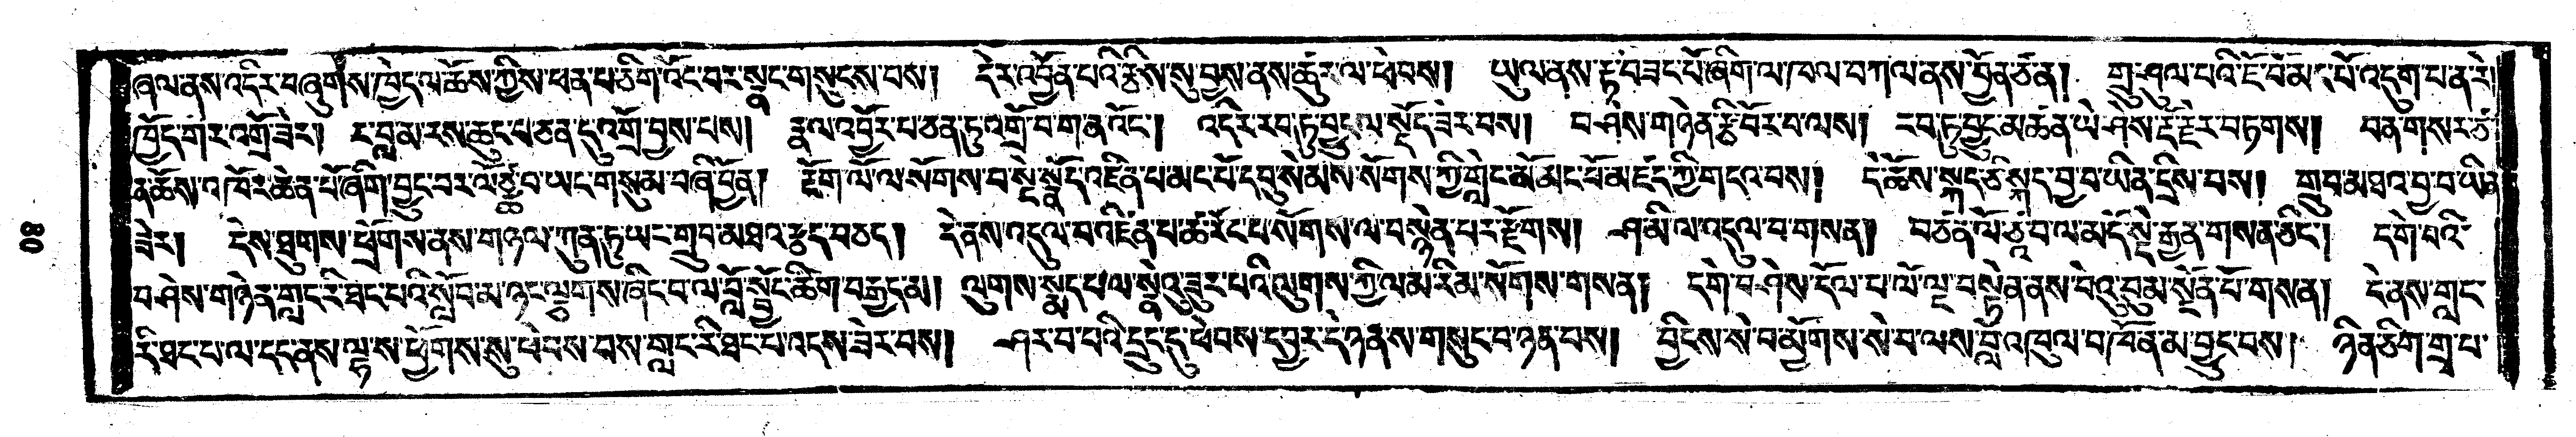ཞལ་ནས་འདིར་བཞུགས་ཁྱེད་ལ་ཆོས་ཀྱིས་ཕན་པ་ཅིག་འོང་བར་སྣང་གསུངས་པས། དེར་འབྱོན་པའི་རྩིས་སུ་བྱས་ནས་ཚུར་ལ་ཕེབས། ཡུལ་ནས་རྟ་བཟང་པོ་ཞིག་ལ་ཁལ་བཀལ་ནས་བྱོན་ཙ་ན། གྲུ་ཤུལ་པའི་ཇོ་བོ་མང་པོ་འདུག་པ་ན་རེ།
ཁྱོད་གར་འགྲོ་ཟེར། ང་བླ་མ་རས་ཆུང་པ་ཅན་དུ་འགྲོ་བྱས་པས། རྣལ་འབྱོར་པ་ཅན་ཏུ་འགྲོ་བ་ག་ན་འོང་། འདིར་རབ་ཏུ་བྱུང་ལ་སྡོད་ཟེར་བས། བཤེས་གཉེན་རྩི་བོར་བ་ལས། རབ་ཏུ་བྱུང་མཚན་ཡེ་ཤེས་རྡོ་རྗེར་བཏགས། །བན་གསར་ཙ་
ན་ཆོས་འཁོར་ཆེན་པོ་ཞིག་བྱུང་བར་ལོཙྪ་བ་ཡང་གསུམ་བཞི་བྱོན། རྡོག་ལོ་ལ་སོགས་པ་སྡེ་སྣོད་འཛིན་པ་མང་པོ་དབུ་སེམས་སོགས་ཀྱི་གླེང་མོ་མང་པོ་མཛད་ཀྱི་གདའ་བས། དེ་ཆོས་སྐད་ཅི་སྐད་བྱ་བ་ཡིན་དྲིས་པས། གྲུབ་མཐའ་བྱ་བ་ཡིན་
ཟེར། དེས་ཐུགས་ཕྲོགས་ནས་གཉལ་ཀུན་ཏུ་ཡང་གྲུབ་མཐའ་རྩད་བཅད། དེ་ནས་འདུལ་བ་འཛིན་པ་ཚ་རོང་པ་སོགས་ལ་བསྙེན་པར་རྫོགས། ཤ་མི་ལ་འདུལ་བ་གསན། བཙན་ལོ་ཙཱ་བ་ལ་མདོ་སྡེ་རྒྱན་གསན་ཅིང་། དགེ་བའི་
བཤེས་གཉེན་གླང་རི་ཐང་པའི་སློབ་མ་ཉང་ལྕགས་ཞིང་བ་ལ་བློ་སྦྱོང་ཚིག་བརྒྱད་མ། ལུགས་སྨད་པ་ལ་སྣེའུ་ཟུར་བའི་ལུགས་ཀྱི་ལམ་རིམ་སོགས་གསན། དགེ་བཤེས་དོལ་པ་ལོ་ལྔ་བསྟེན་ནས་བེའུ་བུམ་སྔོན་པོ་གསན། དེ་ནས་གླང་
རི་ཐང་བ་ལ་ངང་ནས་ལྷ་ས་ཕྱོགས་སུ་ཕེབས་བས་གླང་རི་ཐང་པ་འདས་ཟེར་བས། ཤར་བ་བའི་དྲུང་དུ་ཕེབས་དབྱར་དེ་ཉན་ས་གསུང་བ་ཉན་པས། བྱིངས་སེ་བ་མྱོགས་སེ་བ་ལས་བློ་འཁུལ་བ་ཁོ་ན་མ་བྱུང་བས། ཉིན་ཅིག་གྲྭ་པ་